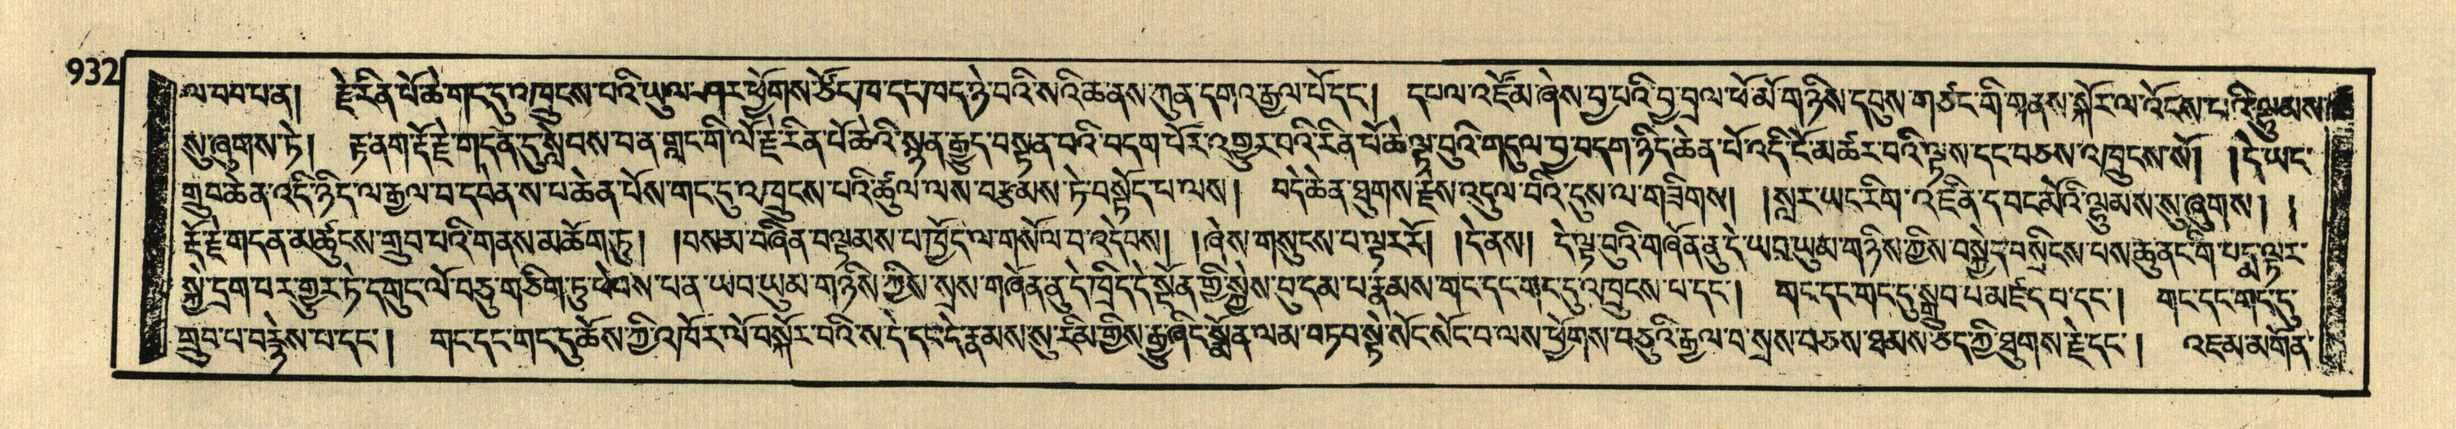ལ་བབ་པ་ན། རྗེ་རིན་པོ་ཆེ་གང་དུ་འཁྲུངས་པའི་ཡུལ་ཤར་ཕྱོགས་ཙོང་ཁ་དང་ཁད་ཉེ་བའི་སའི་ཆ་ནས་ཀུན་དགའ་རྒྱལ་པོ་དང་། དཔལ་འཛོམ་ཞེས་བྱ་བའི་བྱ་བྲལ་ཕོ་མོ་གཉིས་དབུས་གཙང་གི་གནས་སྐོར་ལ་འོངས་པའི་ལྷུམས་
སུ་ཞུགས་ཏེ། རྟ་ནག་རྡོ་རྗེ་གདན་དུ་སླེབས་པ་ན་གླང་གི་ལོ་རྗེ་རིན་པོ་ཆེའི་སྙན་རྒྱུད་བསྟན་པའི་བདག་པོར་འགྱུར་བའི་རིན་པོ་ཆེ་ལྟ་བུའི་གདུལ་བྱ་བདག་ཉིད་ཆེན་པོ་འདི་ངོ་མཚར་བའི་ལྟས་དང་བཅས་འཁྲུངས་སོ། །དེ་ཡང་
གྲུབ་ཆེན་འདི་ཉིད་ལ་རྒྱལ་བ་དབེན་ས་པ་ཆེན་པོས་གང་དུ་འཁྲུངས་པའི་ཚུལ་ལས་བརྩམས་ཏེ་བསྟོད་པ་ལས། བདེ་ཆེན་ཐུགས་རྗེས་འདུལ་བའི་དུས་ལ་གཟིགས། །སླར་ཡང་རིག་འཛིན་དབང་མོའི་ལྷུམས་སུ་ཞུགས། །
རྡོ་རྗེ་གདན་མཚུངས་གྲུབ་པའི་གནས་མཆོག་ཏུ། །བསམ་བཞིན་བལྟམས་པ་ཁྱོད་ལ་གསོལ་བ་འདེབས། །ཞེས་གསུངས་པ་ལྟར་རོ། །དེ་ནས། དེ་ལྟ་བུའི་གཞོན་ནུ་དེ་ཡབ་ཡུམ་གཉིས་ཀྱིས་བསྐྱེད་བསྲིངས་པས་ཆུ་ནང་གི་པདམ་ལྟར་
སྐྱེ་དྲག་པར་གྱུར་ཏེ་དགུང་ལོ་བཅུ་གཅིག་ཏུ་ཕེབས་པ་ན་ཡབ་ཡུམ་གཉིས་ཀྱིས་སྲས་གཞོན་ནུ་དེ་ཁྲིད་དེ་སྔོན་གྱི་སྐྱེས་བུ་དམ་པ་རྣམས་གང་དང་གང་དུ་འཁྲུངས་པ་དང་། གང་དང་གང་དུ་སྒྲུབ་པ་མཛད་པ་དང་། གང་དང་གང་དུ་
གྲུབ་པ་བརྙེས་པ་དང་། གང་དང་གང་དུ་ཆོས་ཀྱི་འཁོར་ལོ་བསྐོར་བའི་ས་དེ་དང་དེ་རྣམས་སུ་རིམ་གྱིས་རྒྱུ་ཞིང་སྨོན་ལམ་བཏབ་སྟེ་སོང་སོང་བ་ལས་ཕྱོགས་བཅུའི་རྒྱལ་བ་སྲས་བཅས་ཐམས་ཅད་ཀྱི་ཐུགས་རྗེ་དང་། འཇམ་མགོན་